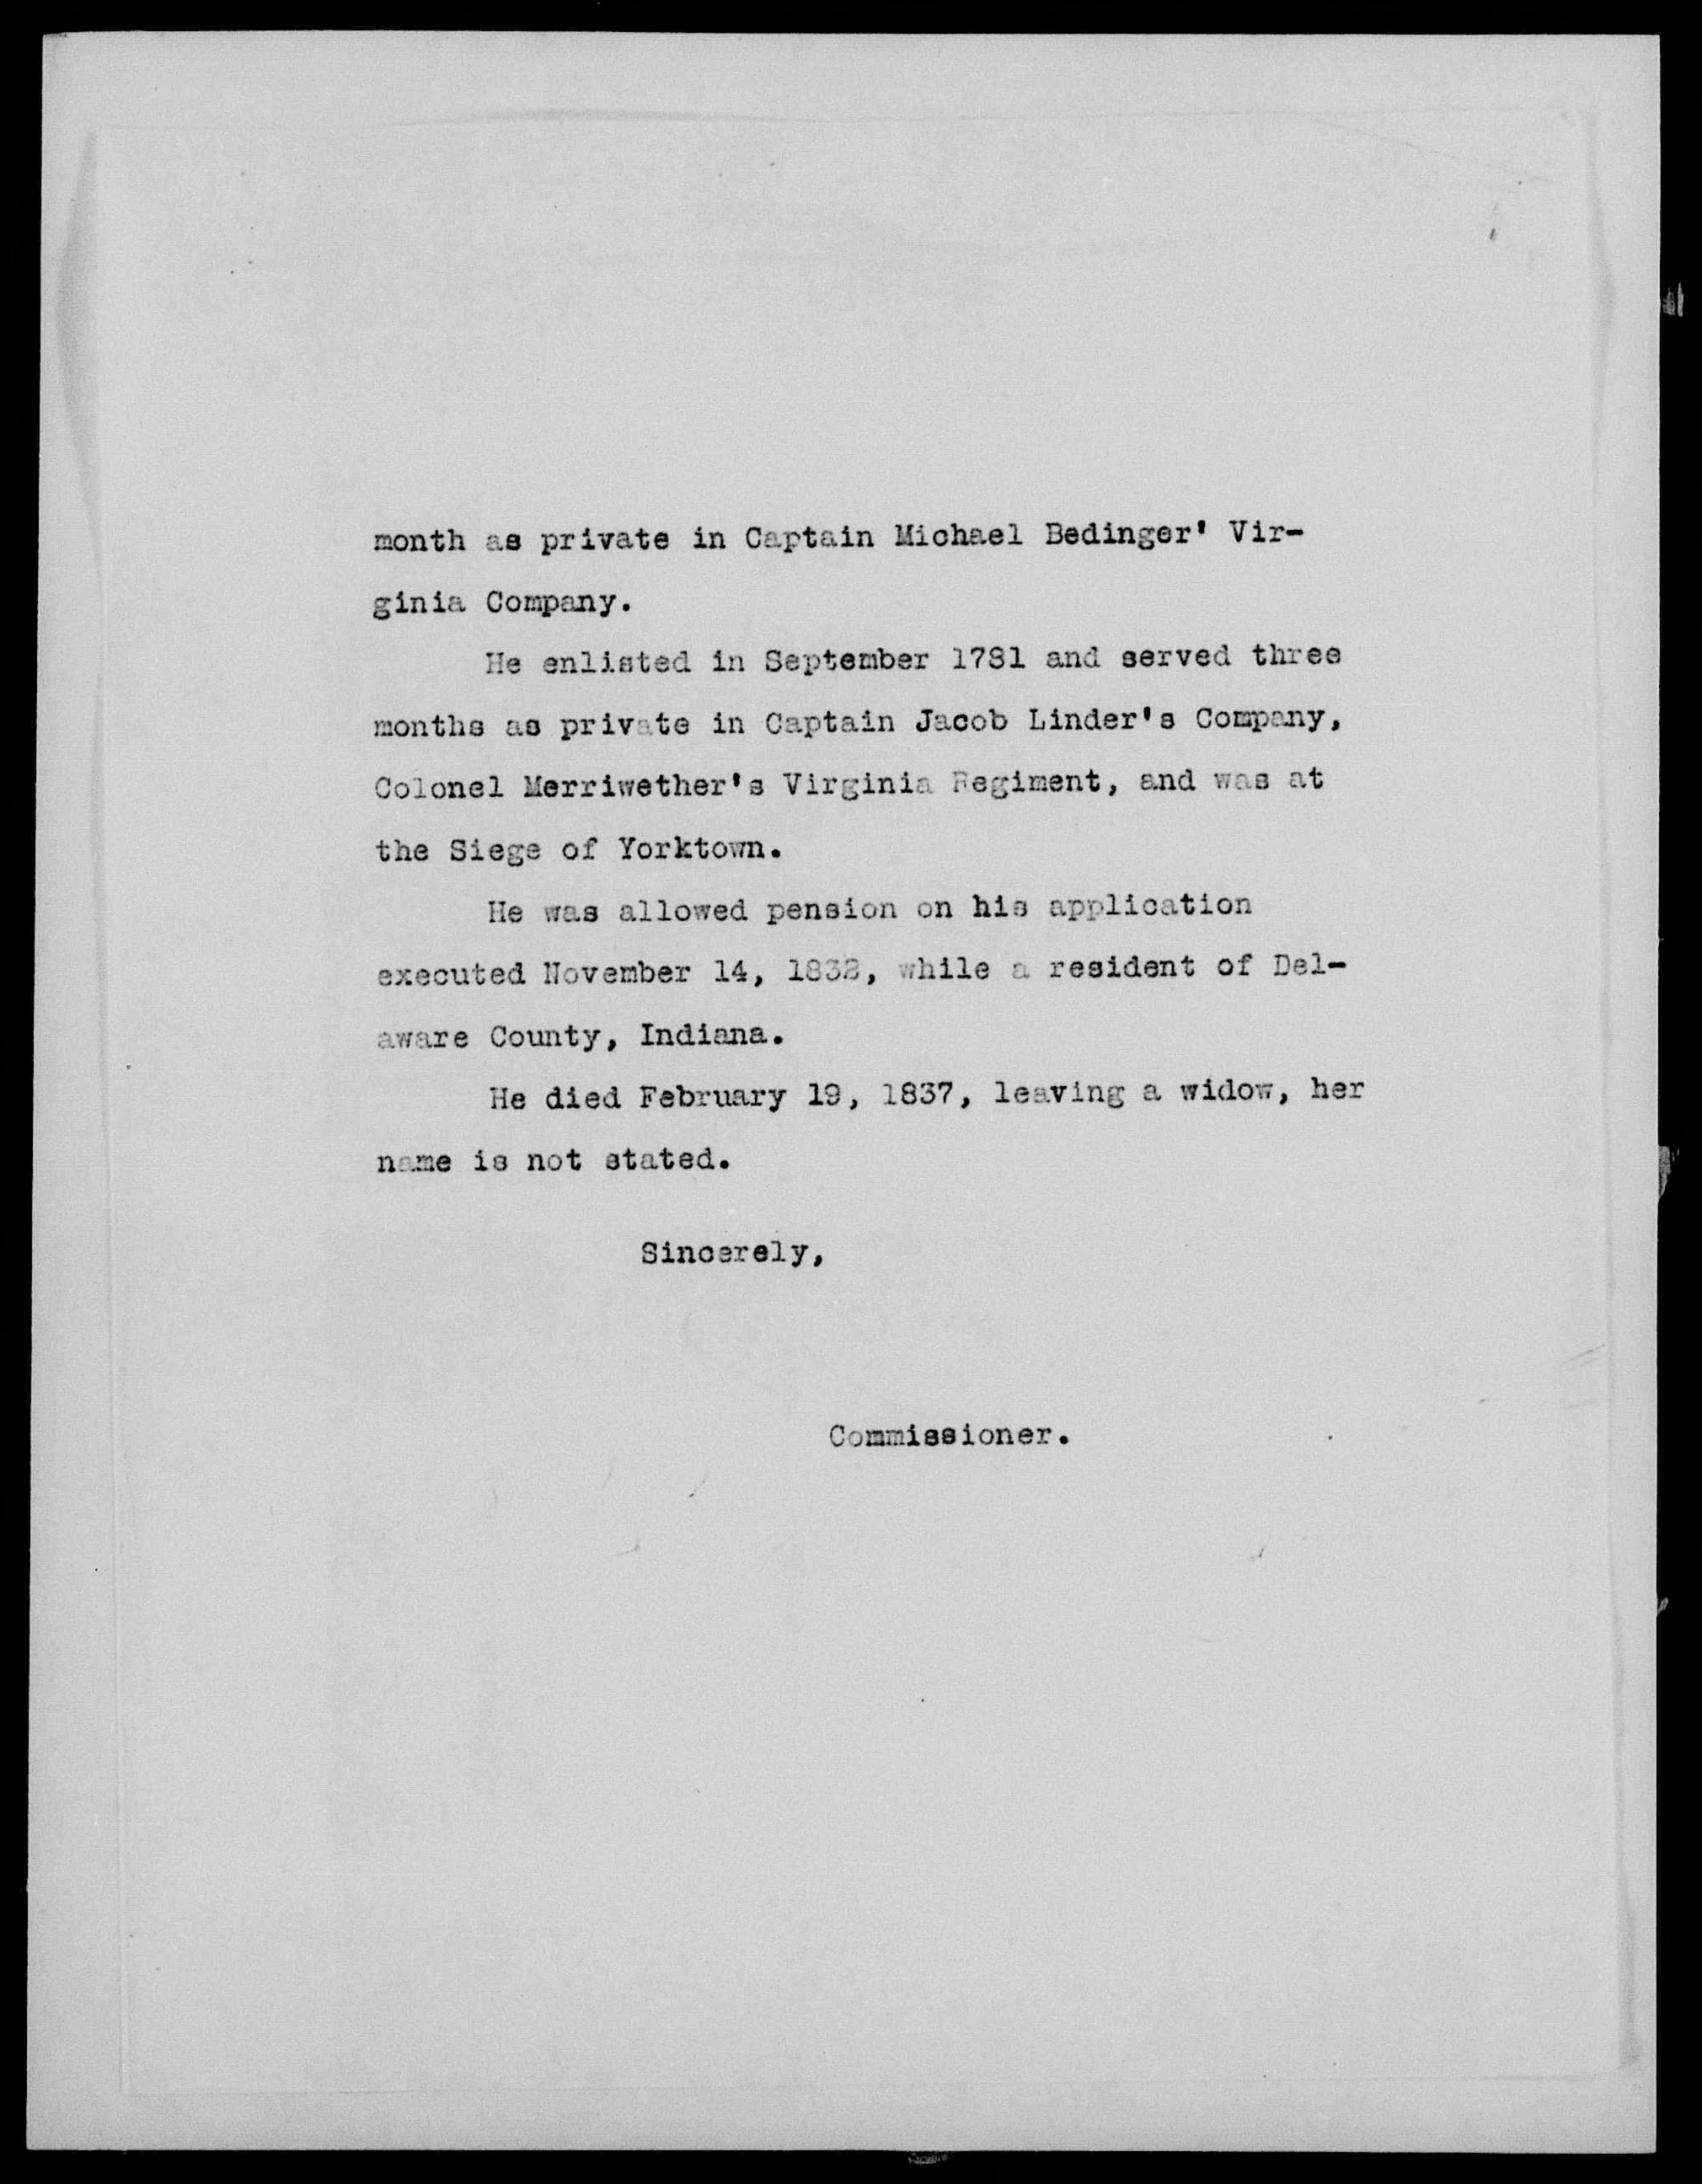month as private in Captain Michael Bedinger' Virginia Company.
He enlisted in September 1781 and served three months as private in Captain Jacob Linder's Company, Colonel Merriwether's Virginia Regiment, and was at the Siege of Yorktown.
He was allowed pension on his application executed November 14, 1838, while a resident of Delaware County, Indiana.
He died February 19, 1837, leaving a widow, her name is not stated.
Sincerely,
Commissioner.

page: 13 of 21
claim: survivor's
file: S. 32453, for William Polen, Virginia